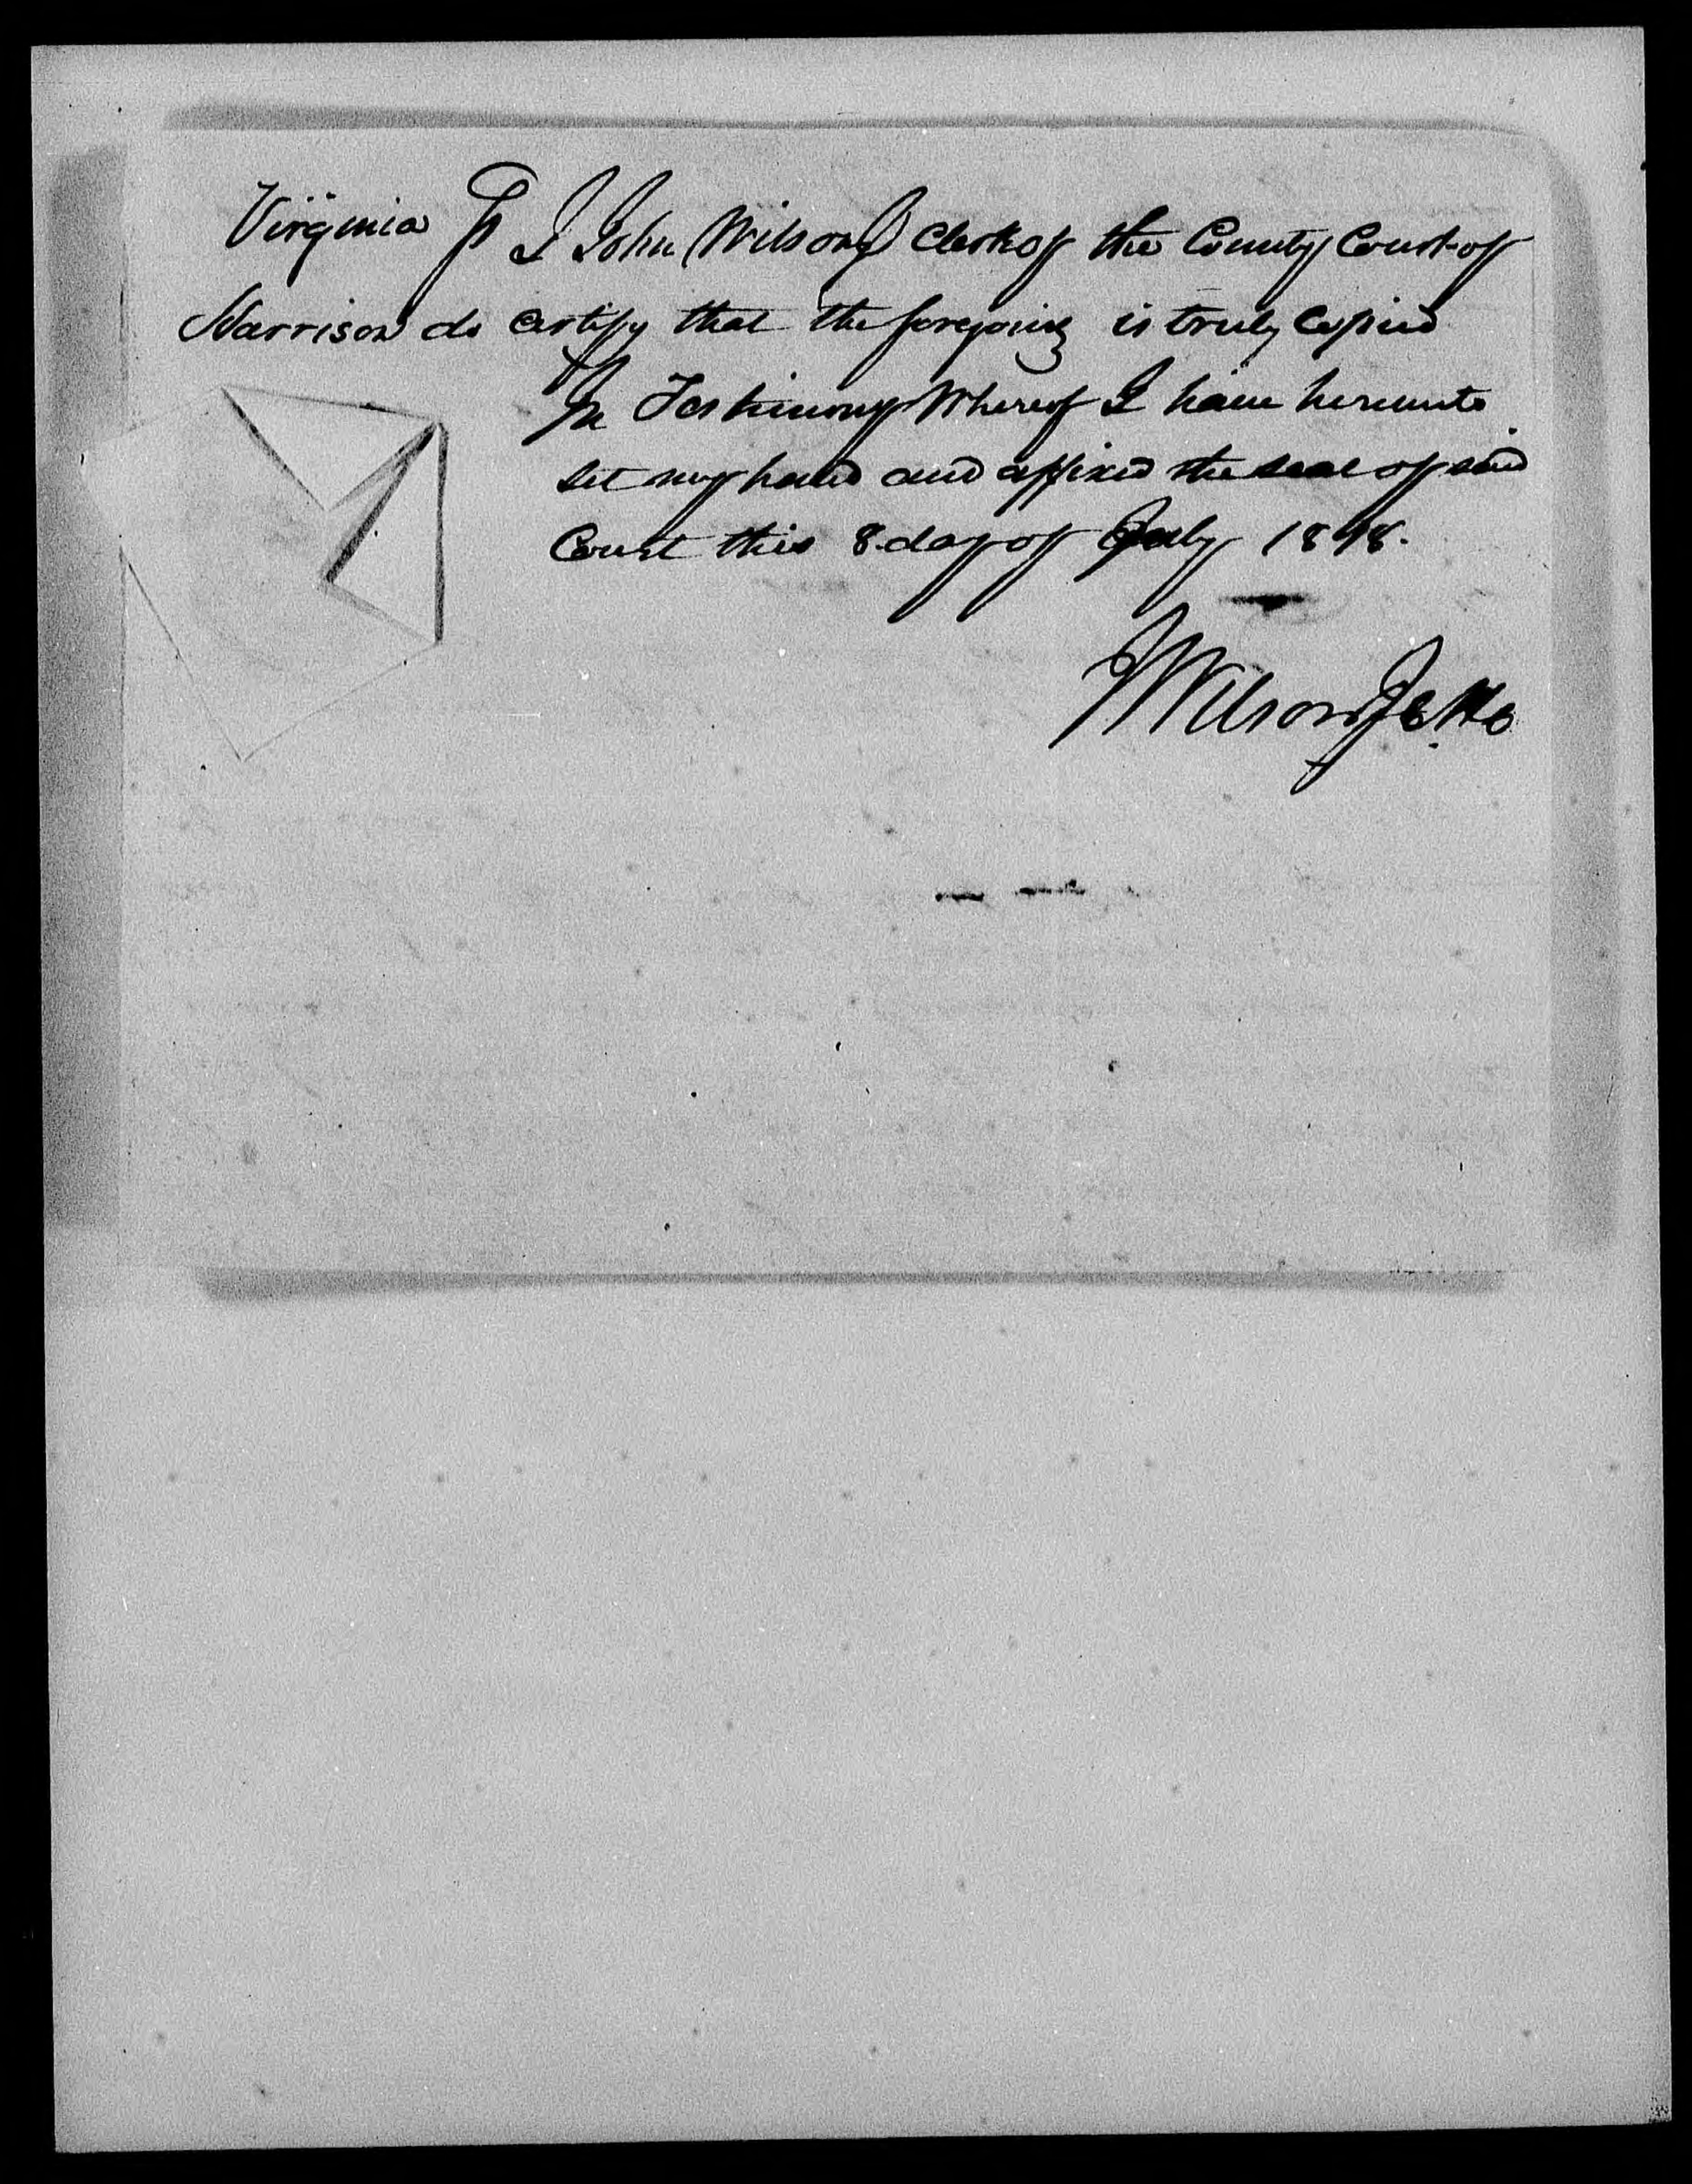Virginia Ss I John Wilson Jr Clerk of the County Court of 
Harrison do certify that the foregoing is truly copied 
In Testimony whereof I have hereunto 
[Blurred seal of Court] set my hand and affixed the seal of said 
Court this 8 day of July 1818.
JWilsonJr CHC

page: 5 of 18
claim: survivor's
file: S. 37,483, for John Taylor, Maryland